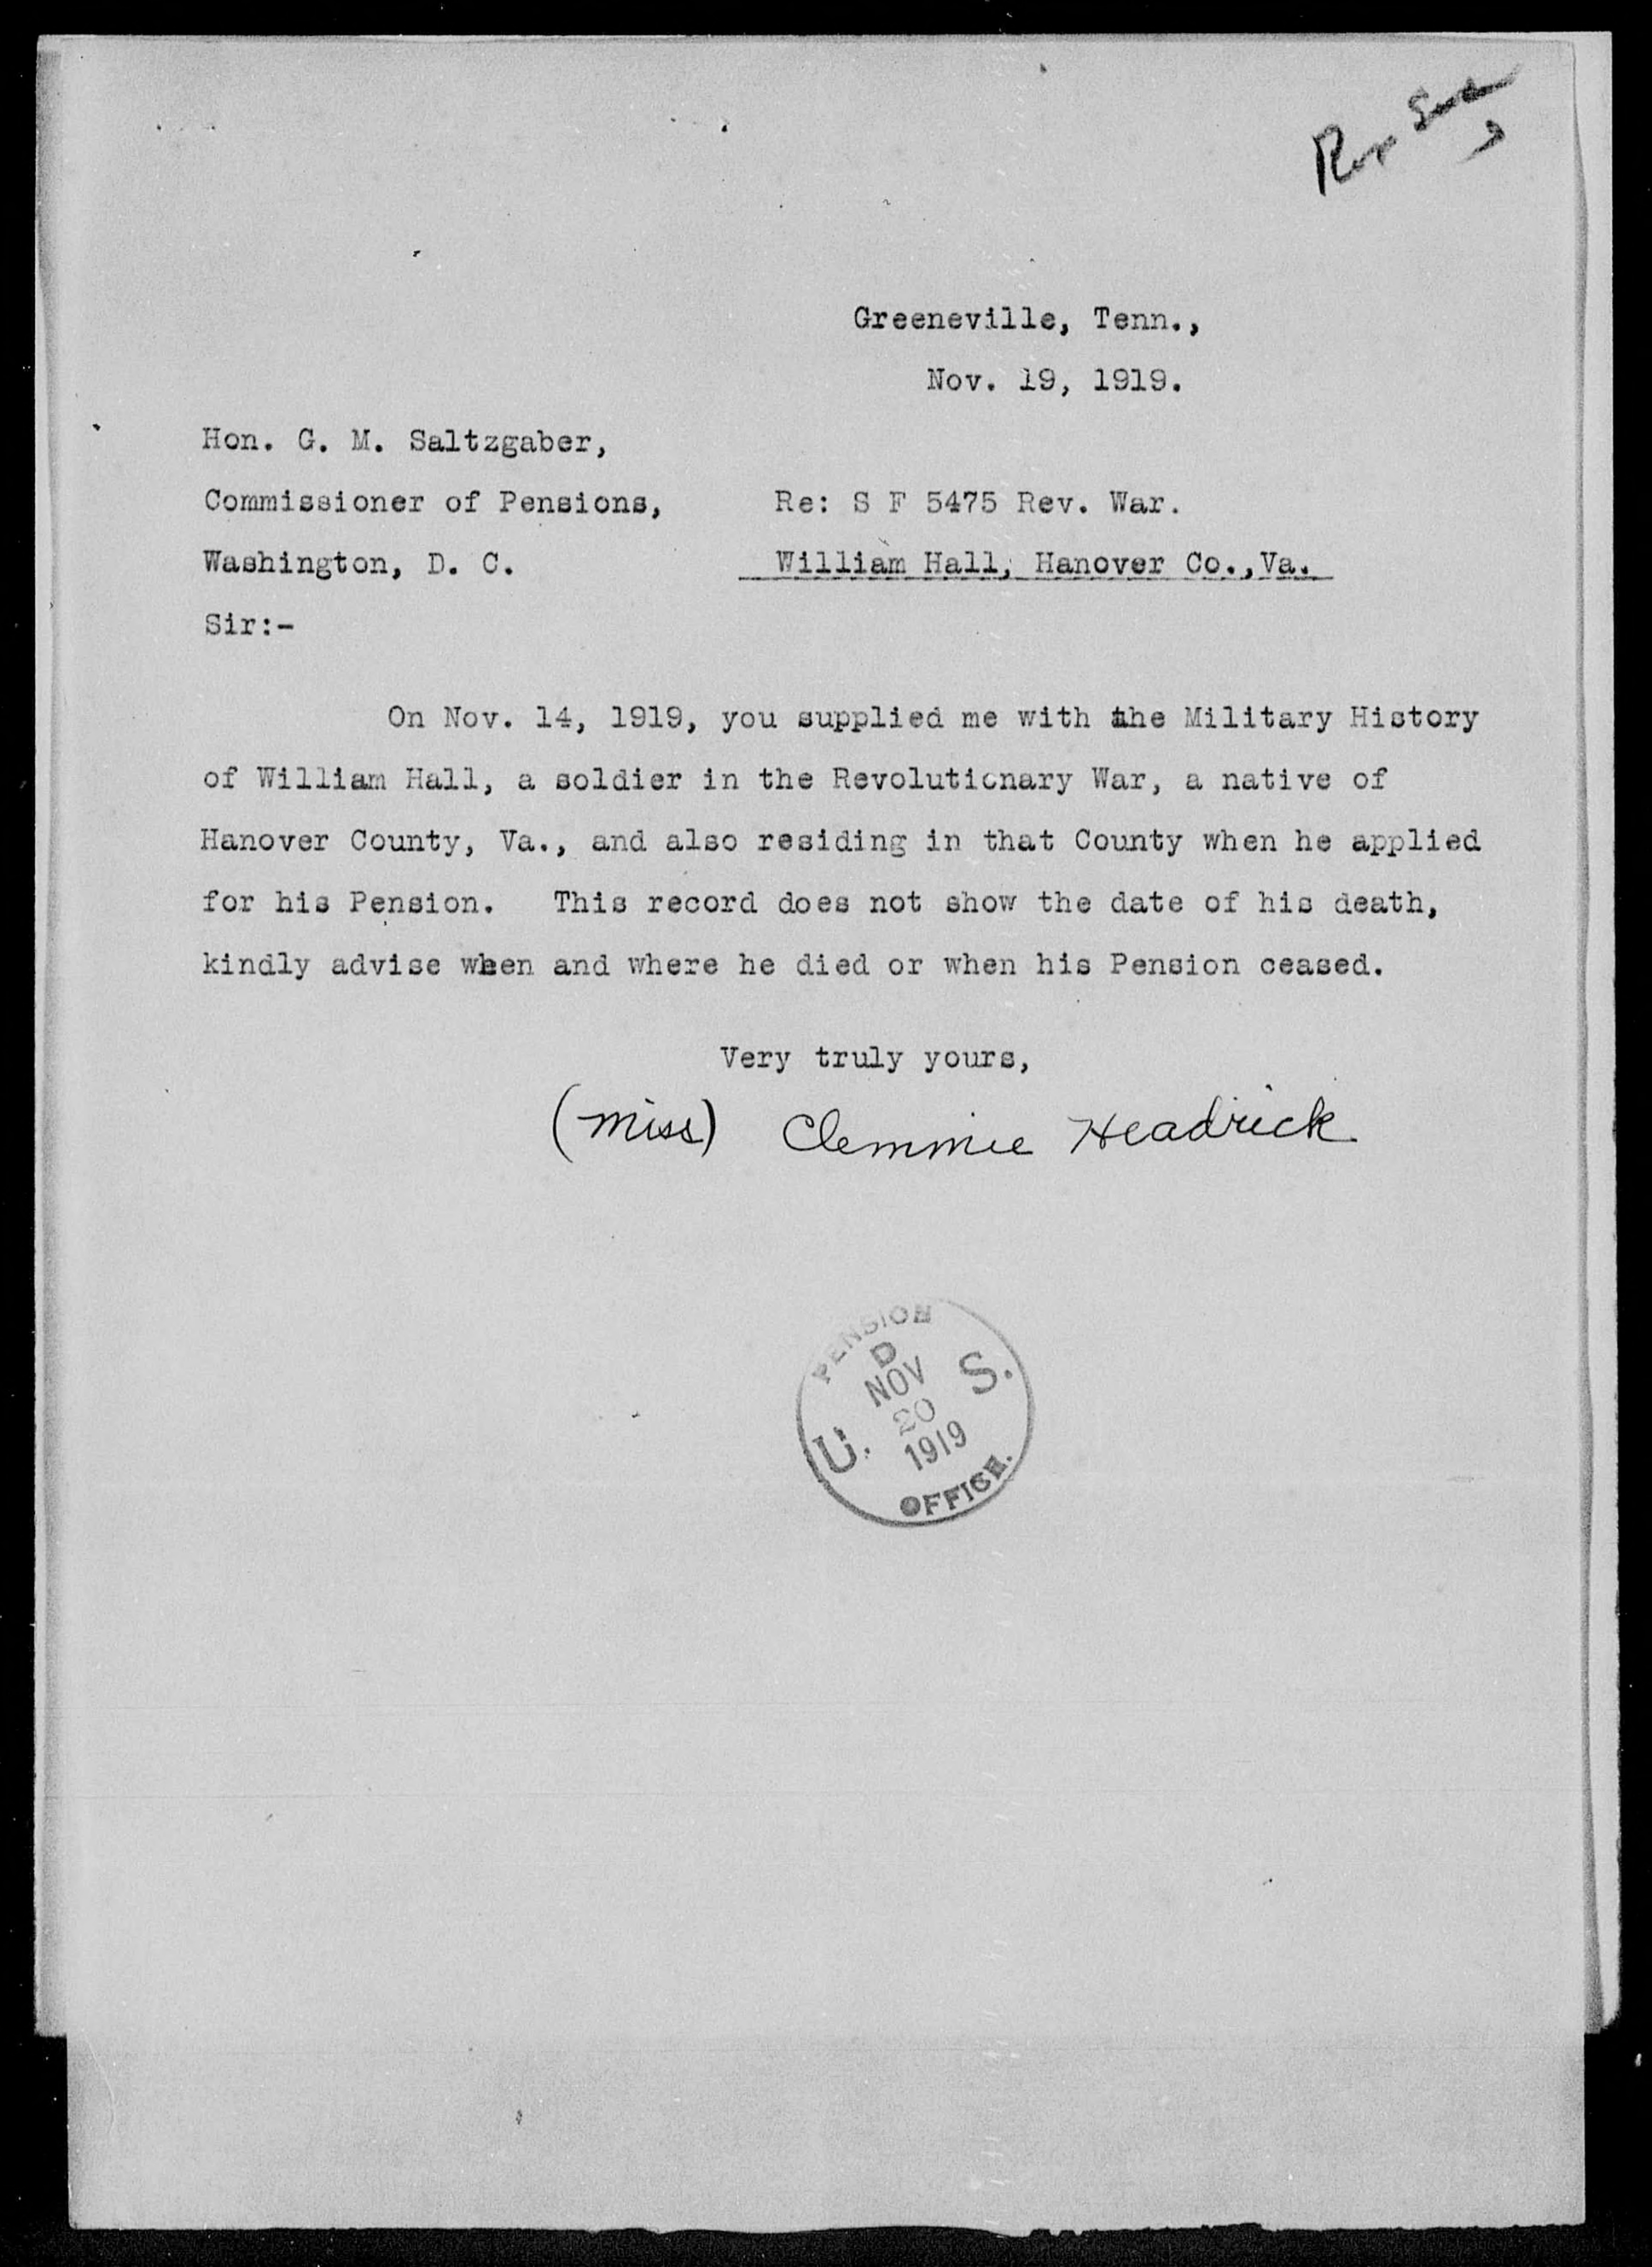Greeneville, Tenn.,
Nov. 19, 1919.

Re: S F 5475 Rev. War.
William Hall, Hanover Co., Va.

Hon. G.M. Saltzgaber,
Commissioner of Pensions,
Washington, D. C.
Sir: --
R
On Nov. 14, 1919, you supplied me with the Military History of William Hall, a soldier in the Revolutionary War, a native of Hanover County, Va., and also residing in that county when he applied for his pension. This record does not show the date of his death, kindly advise when and where he died or when his pension ceased.
Very truly yours,
(Miss) Clemmie Headrick

[ink stamp:  U. S. PENSION OFFICE D  NOV 20 1919]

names: G M Saltzgaber, William Hall, Clemmie Headrick, William Hall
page: 14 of 15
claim: survivor's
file: S. 5475, William Hall, Va.